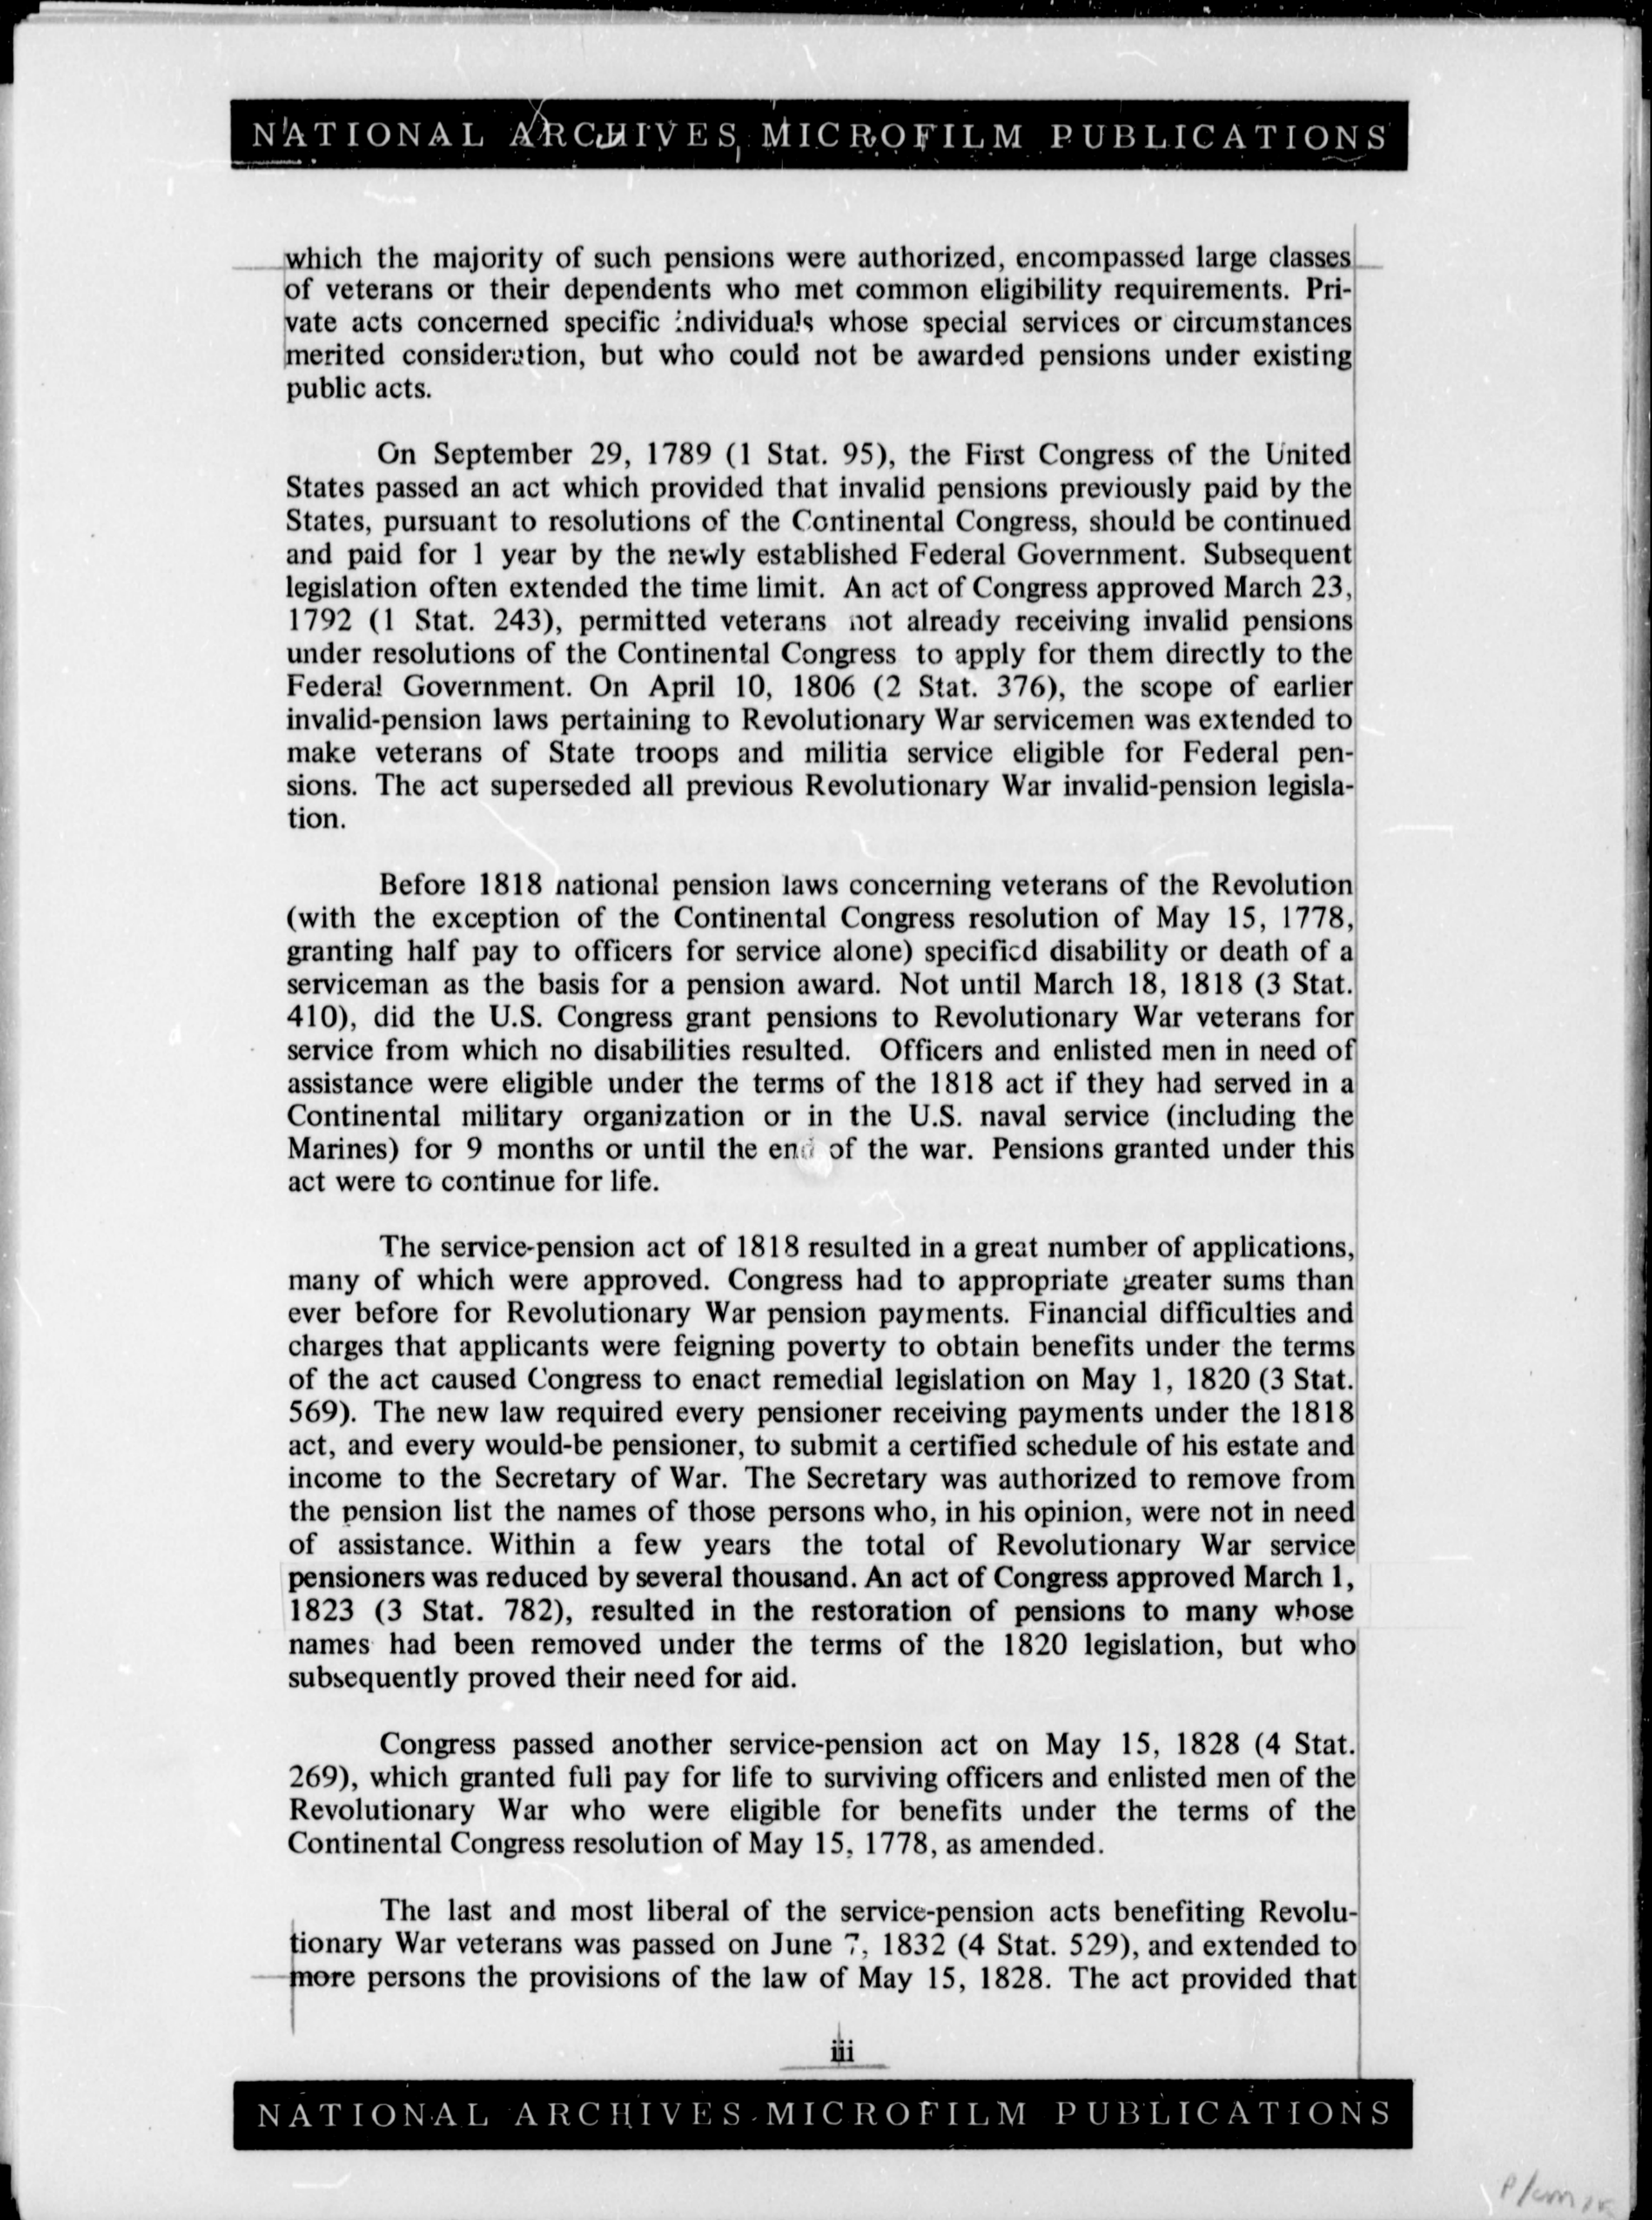NATIONAL ARCHIVES MICROFILM PUBLICATIONS

...which the majority of such pensions were authorized, encompassed large classes of veterans or their dependents who met common eligibility requirements. Private acts concerned specific individuals whose special services or circumstances merited consideration, but who could not be awarded pensions under existing public acts.

On September 29, 1789 (1 Stat. 95), the First Congress of the United States passed an act which provided that invalid pensions previously paid by the States, pursuant to resolutions of the continental congress, should be continued and paid for 1 year by the newly establish Federal Government. Subsequent legislation often extended the time limit. An act of Congress approved March 23, 1792 (1 Stat. 243), permitted veterans not already receiving invalid pensions under resolutions of the Continental Congress to apply for them directly to the Federal Government. On April 10, 1806 (2 Stat. 376), the scope of earlier invalid-pension laws pertaining to Revolutionary War servicemen was extended to make veterans of State troops and militia service eligible for Federal pensions. The act superseded all previous Revolutionary War invalid-pension legislation.

Before 1818 national pension laws concerning veterans of the Revolution (with the exception of the Continental Congress resolution of May 15, 1778, granting half pay to officers for service alone) specified disability or death of a serviceman as the basis for the pension award. Not until March 18, 1818 (3 Stat. 410), did the U.S. Congress grant pensions to Revolutionary War veterans for service from which no disabilities resulted. Officers and enlisted men in need of assistance were eligible under the terms of the 1818 naval service (including the  Marines) for 9 months or until the end of the war. Pensions granted under this act were to continue of life.   

 The service-pension act of 1818 resulted in a great number of applications, many of which were approved. congress had to appropriate greater sums than ever before for Revolutionary War pension payments. Financial difficulties and charges that applicants were feigning poverty to obtain benefits under the terms of the act caused Congress to enact remedial legislation on May 1, 1820 (3 Stat. 569). The new law required every pensioner receiving payments under the 1818 act, and every would-be pensioner, to submit a certified schedule of his estate and income to the Secretary of War. The Secretary was authorized to remove from the pension list the names of those persons who, in his opinion, were not in need of assistance. Within a few years the total of Revolutionary War service pensioners was reduced by several thousand. An act of Congress approved March 1, 1823 (3 Stat. 782), resulted in the restoration of pensions to many whose names had been removed under the terms of the 1820 legislation, but who subsequently proved their need for aid.

Congress pass another service-pension act on may 15, 1828 (4 Stat. 269), which granted full pay for life to surviving officers and enlisted men of the Revolutionary War who were eligible for benefits under the terms of the Continental Congress resolution of May 15, 1778, as amended.

The last and most liberal of the service-pension acts benefiting Revolutionary War veterans was passed on June 7, 1832 (4 Stat. 529), and extended to more persons the provisions of the law of May 15, 1828. The act provided that...

NATIONAL ARCHIVES MICROFILM PUBLICATIONS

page: 3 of 61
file: Revolutionary War Pension and Bounty Land Warrant Application File